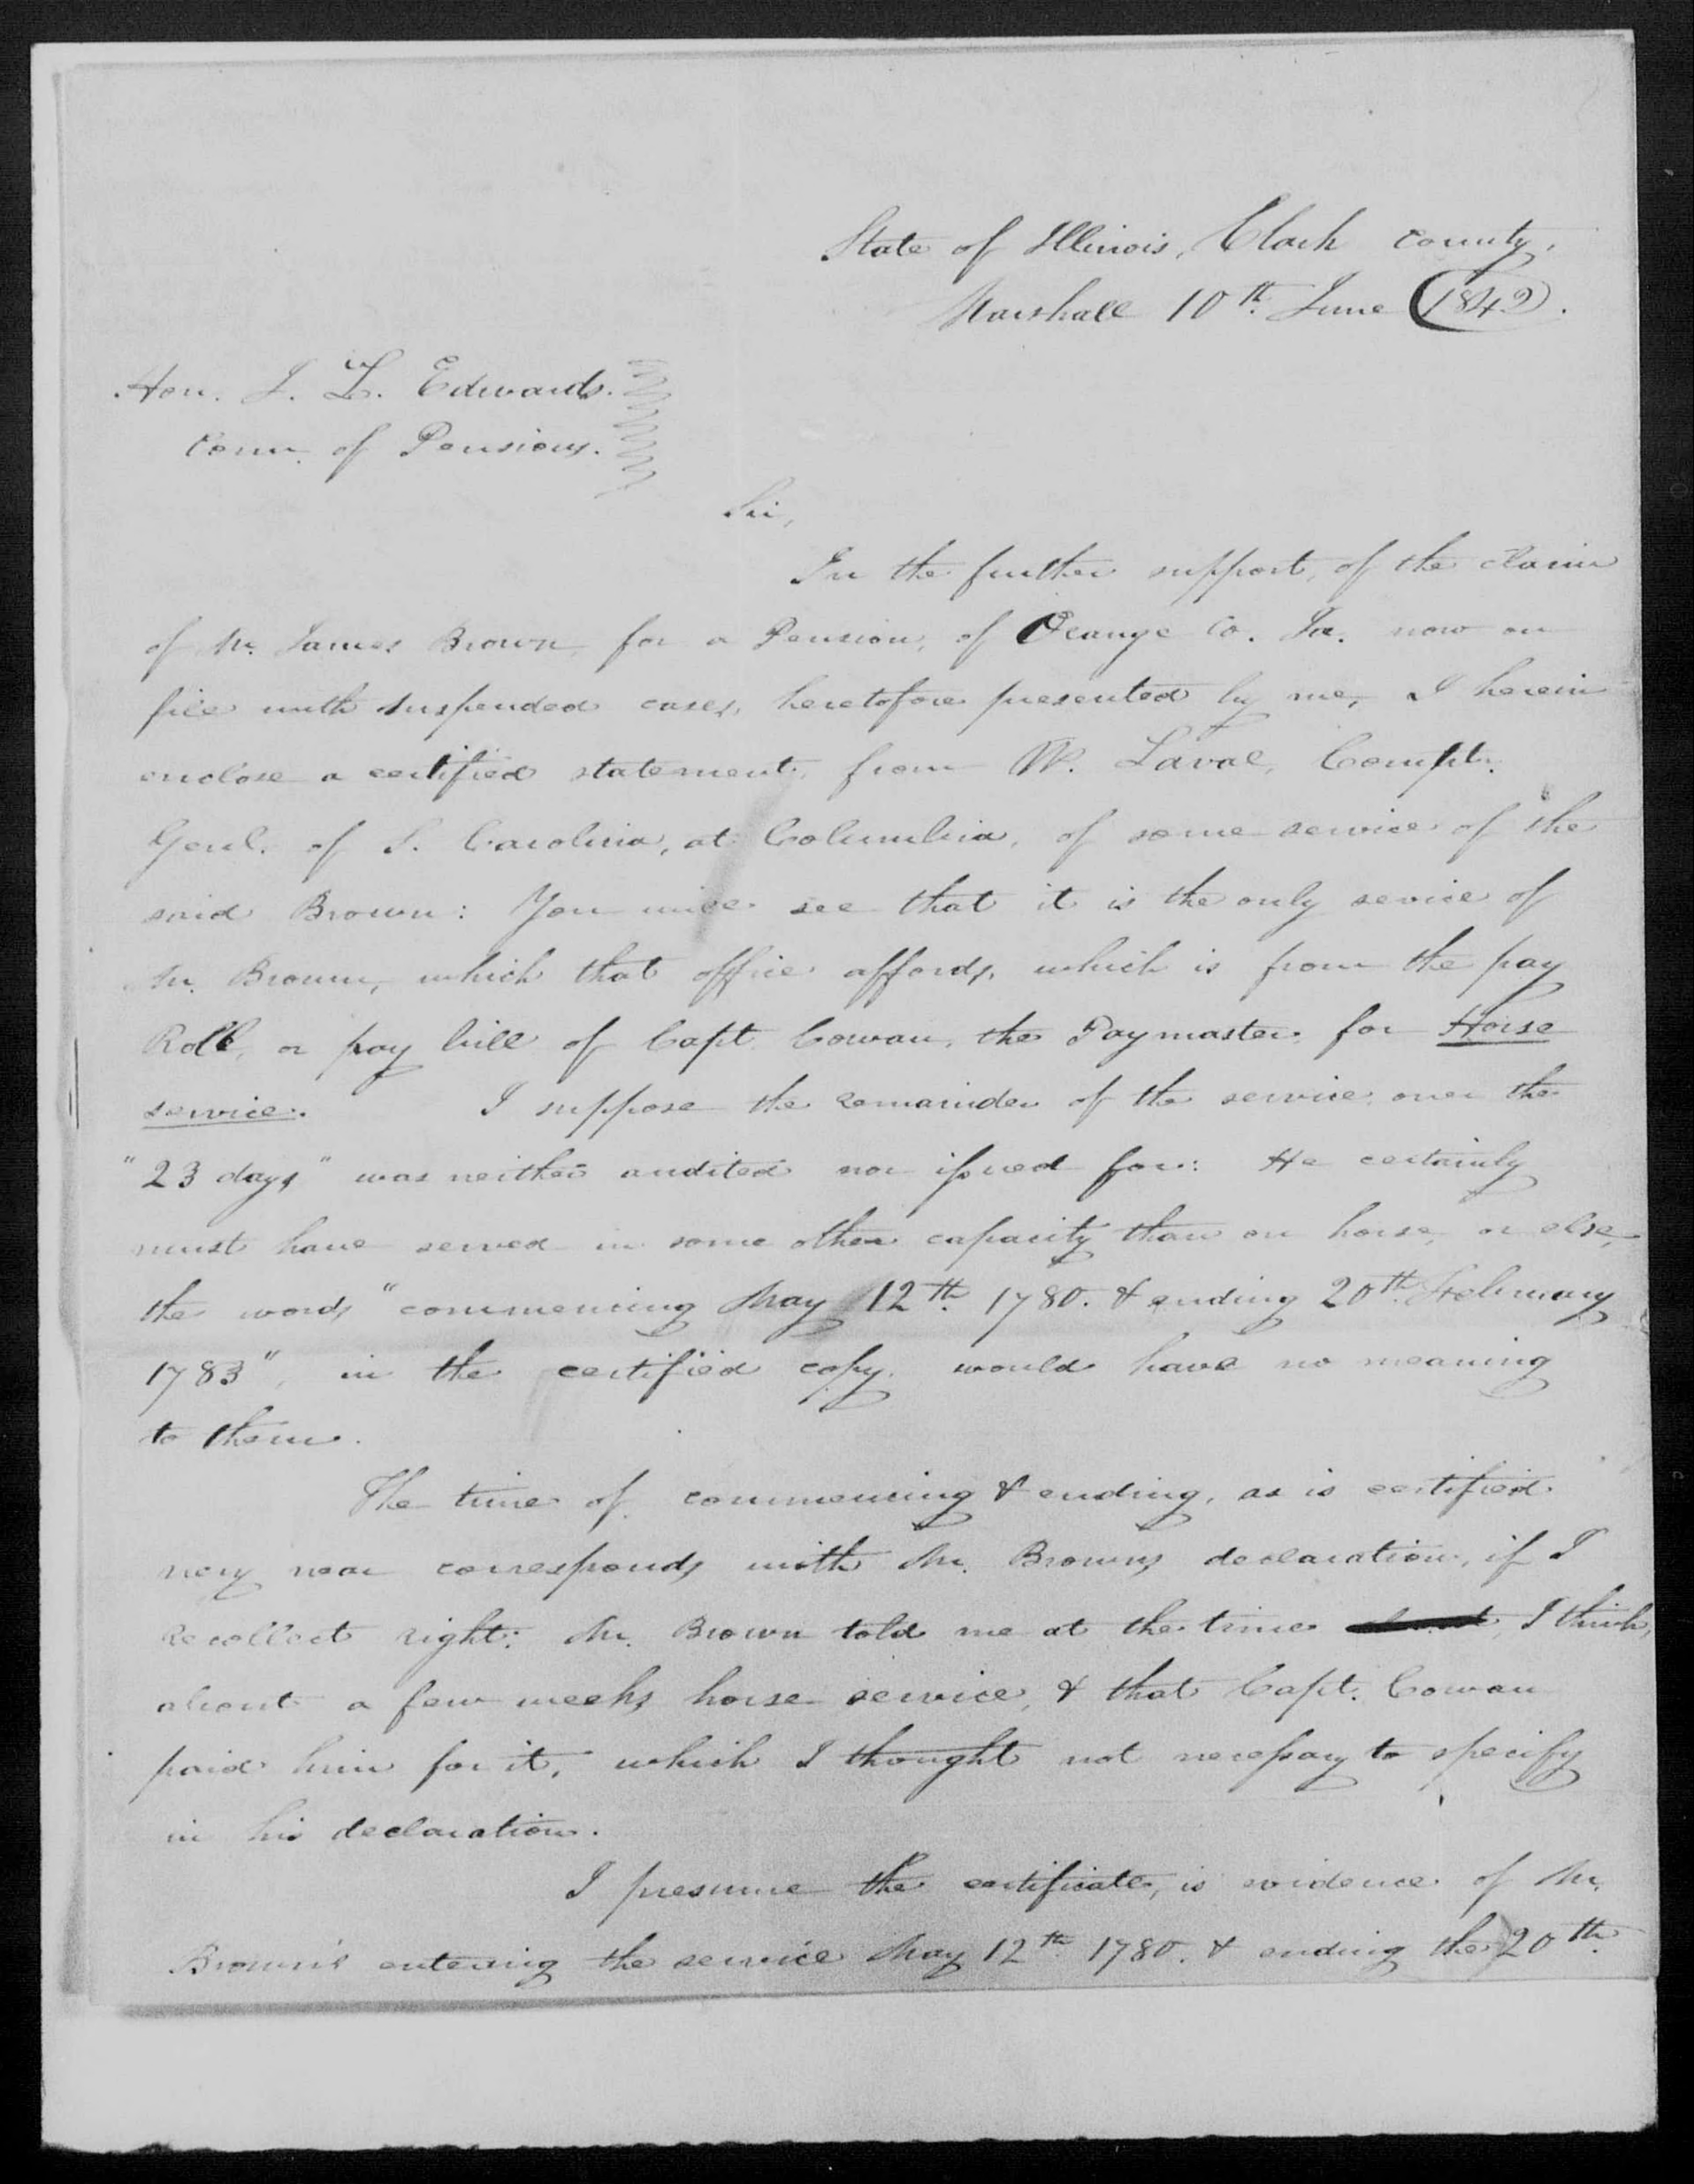State of Illinois, Clark County
Marshall 10th June 1842
Hon J. L. Edwards
Com of Pensions
sir
In the further support of the claim
of Mr James Brown for a Pension of Orange Co. Ia. now on file with suspended cases, heretofore presented by me, I herein enclose a certified statement from W Laval Compt Genl of S. Carolina, at Columbia, of some service of the
said Brown: you will see that it is the only service of the said Brown, which that office affords, which is from the pay Roll or pay bill of Capt [George] Cowan, the Paymaster for Horse service.
I suppose the remainder of the service over the 23 days was neither audited nor issued for: He certainly
must have served in some other capacity than on horse, or else the words "commencing May 12th 1780. & ending 20th February 1783" in the certified copy, would have no meaning to them.
The time of commencing & ending as is certified very near correspond with Mr Browns declaration, if I recollect right. Mr Brown told me at the time I think about a few weeks horse service, & that Capt. Cowan paid him for it, which I thought not necessary to specify in his declaration.
I preume the certificate, is evidence of Mr Brown's entering the service May 12th 1780, & ending the 20th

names: Browns, Cowan, Brown, W Laval, James Brown, Brown, Brown, J L Edwards, Cowan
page: 33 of 41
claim: rejected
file: R. 1309, James Brown, S.C.